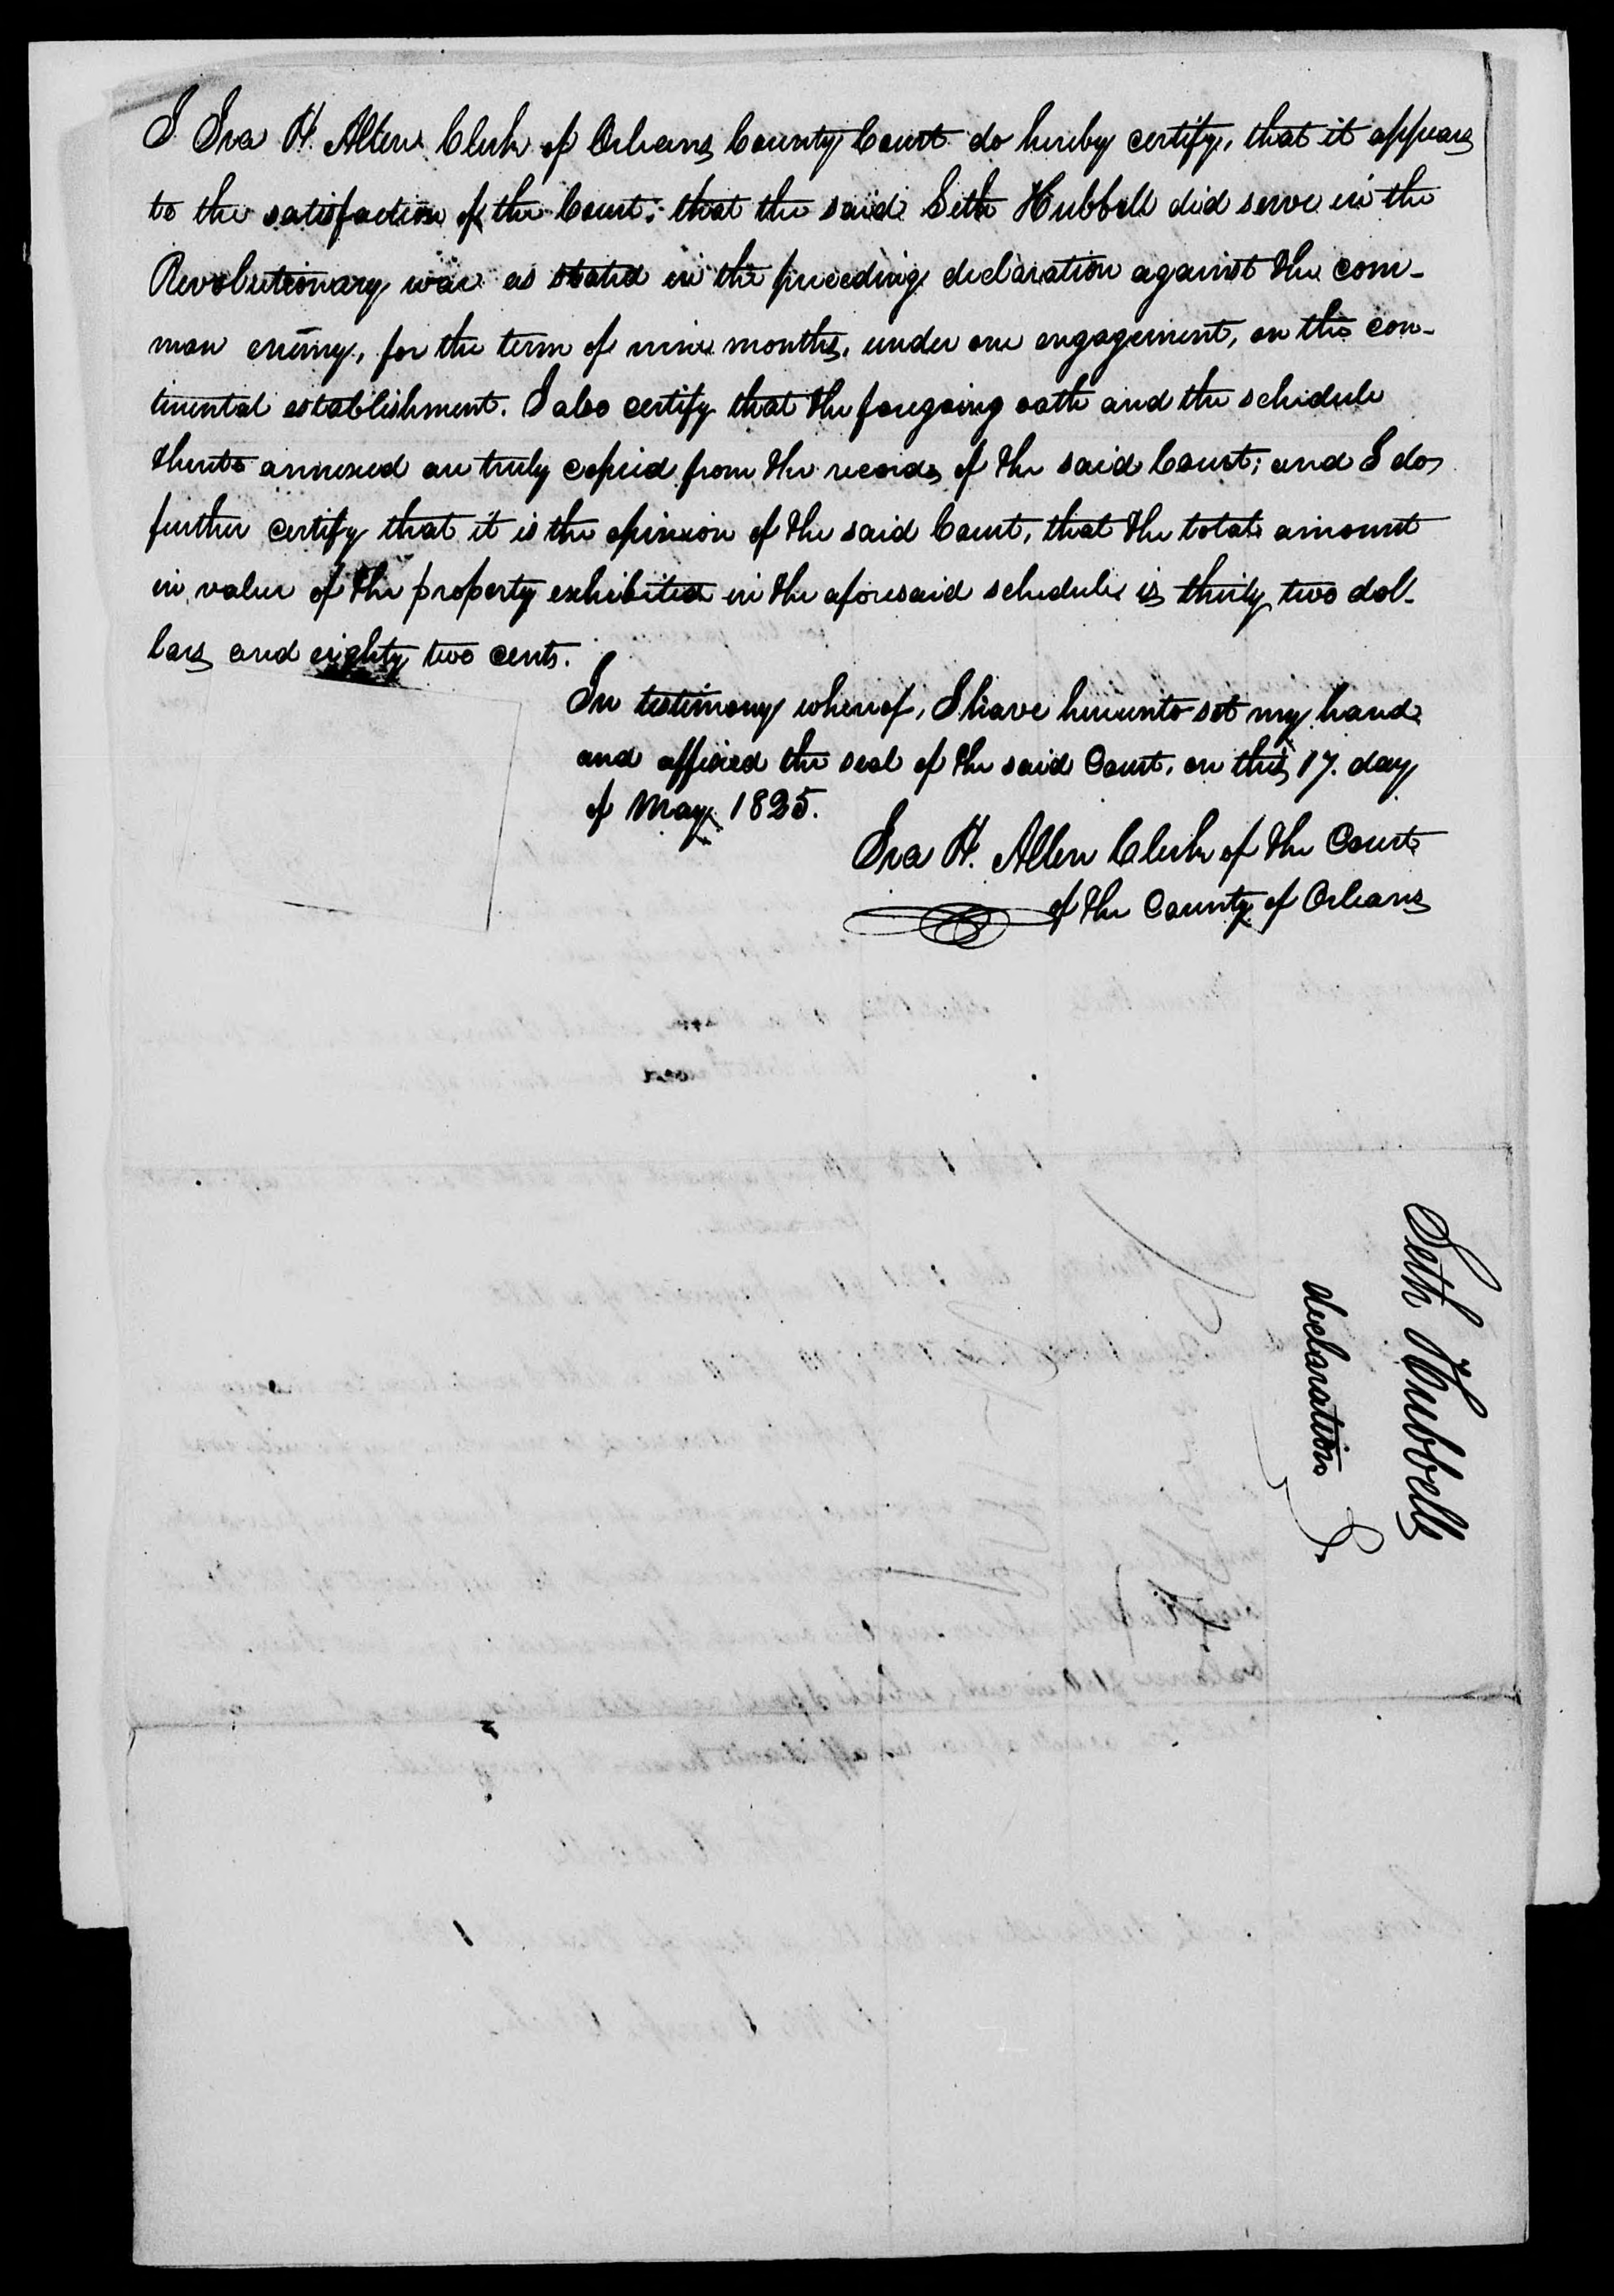I Ira H. Allen Clerk of Orleans County Court do hereby certify, that it appears to the satisfaction of the Court that the said Seth Hubbell did serve in the Revolutionary war as stated in the preceding declaration against the common enemy, for the term of nine months, under and engagement, on the continental establishment. I also certify that the foregoing oath and the schedule thereto annexed on truly copied from the records of the said Court; and I do further certify that it is the opinion of the said Court, that the total amount in value of the property exhibited in the aforesaid schedule is thirty two dollars and eighty two cents. 

In testimony whereof, I have hereunto set my hand and affixed the seal of the said Court, on this 17. day of May 1825.
Ira H. Allen Clerk of the Court of County of Orleans

[sideways on the right side]
Seth Hubbells declaration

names: Ira H Allen, Seth Hubbell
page: 15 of 114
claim: widow's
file: W. 2115, Seth Hubbell, Conn.